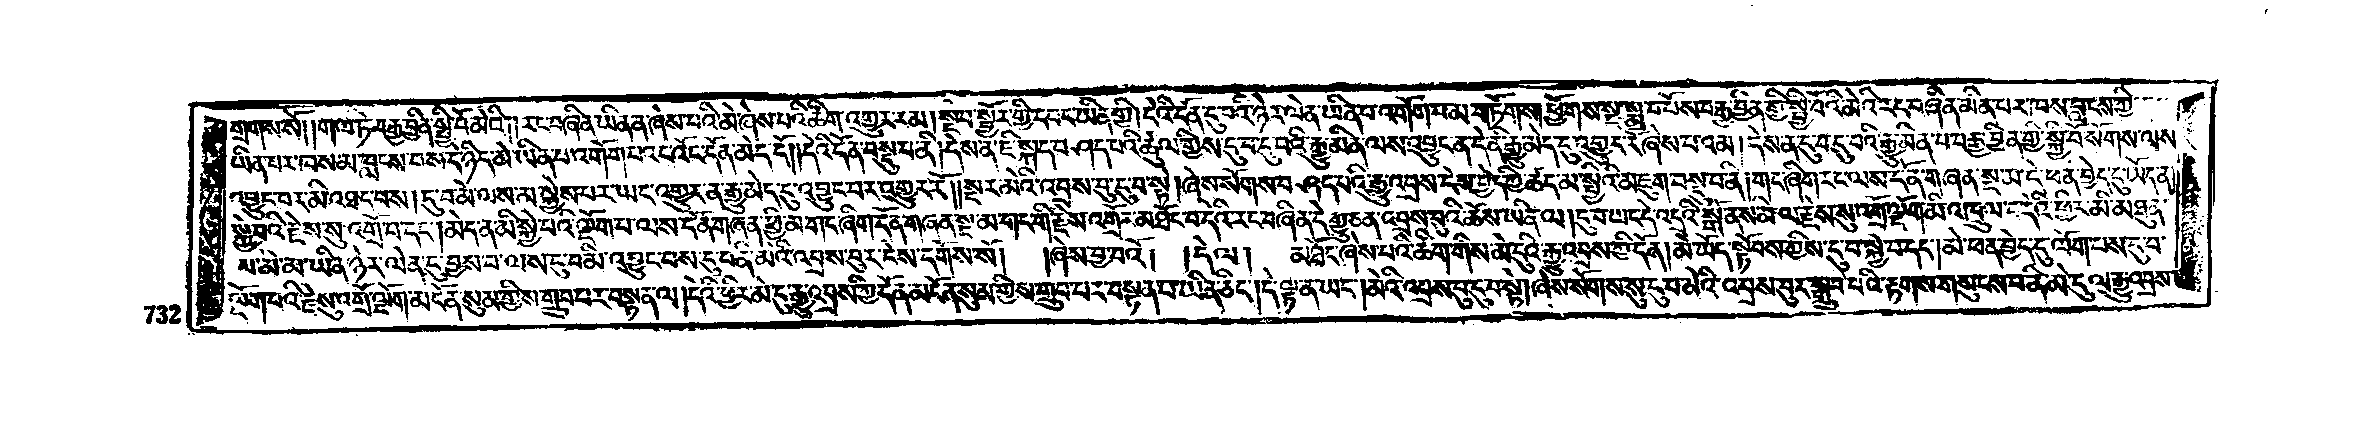གྲགས་སོ། །གལ་ཏེ་བརྒྱ་བྱིན་སྤྱི་བོ་མེའི། །རང་བཞིན་ཡིན་ན་ཞེས་པའི་མེ་ཞེས་པའི་ཚིག་འགྱུར་རམ། སྡེབ་སྦྱོར་གྱི་དབང་ཡིན་གྱི། དེའི་དོན་དུ་བའི་ཉེར་ལེན་ཡིན་པ་འགོག་པ་མ་གཏོགས། ཕྱོགས་སྔ་སྨྲ་བ་པོས་བརྒྱ་བྱིན་གྱི་སྤྱི་བོའི་མེའི་རང་བཞིན་མིན་པར་ཁས་བླངས་ཀྱི་
ཡིན་པར་ཁས་མ་བླངས་བས་དེ་ཉིད་མེ་ཡིན་པ་འགོག་པའང་འོང་དོན་མེད་དོ། །དེའི་དོན་བསྡུ་བ་ནི། དེས་ན་ཇི་སྐད་བཤད་པའི་ཚུལ་གྱིས་དུ་བ་དུ་བའི་རྒྱུ་མིན་ལས་འབྱུང་ན་དེ་ནི་རྒྱུ་མེད་དུ་འགྱུར་རོ་ཞེས་པའམ། དེས་ན་དུ་བ་དུ་བའི་རྒྱུ་མིན་པ་བརྒྱ་བྱིན་གྱི་སྐྱི་བོ་སོགས་ལས་
འབྱུང་བར་མི་འཐད་པས། དུ་བ་མེ་ལས་མ་སྐྱེས་པར་ཡང་འགྱུར་ན་རྒྱུ་མེད་དུ་འབྱུང་བར་འགྱུར་རོ། །སྔར་མེའི་འབྲས་བུ་དུ་བ་སྟེ། ཞེས་སོགས་བཤད་པའི་རྒྱུ་འབྲས་ངེས་བྱེད་ཀྱི་ཚད་མ་སྤྱིའི་མཇུག་བསྡུ་བ་ནི། གང་ཞིག་རང་ལས་དོན་གཞན་སྔ་མ་དེ་ཕན་བྱེད་དུ་ཡོད་ན།
སྐྱེ་བའི་རྗེས་སུ་འགྲོ་བ་དང་། མེད་ན་མི་སྐྱེ་པའི་ལྡོག་པ་ལས་དོན་གཞན་ཕྱི་མ་གང་ཞིག་དོན་གཞན་སྔ་མ་གང་གི་རྗེས་འགྲོར་མཐོང་བ་དེའི་རང་བཞིན་དེ་རྒྱུ་ཅན་འབྲས་བུའི་ཆོས་ཡིན་ལ། དུ་བ་ཡང་དེ་འདྲའི་སྒོ་ནས་མེ་ལ་རྗེས་སུ་འགྲོ་ལྡོག་མི་འཁྲུལ་བ་དེའི་ཕྱིར་མི་མཐུན་
པ་མེ་མ་ཡིན་ཉེར་ལེན་དུ་བྱས་པ་ལས་དུ་བ་མི་འབྱུང་བས་དུ་བ་ནི་མེའི་འབྲས་བུར་ངེས་དགོས་སོ། །ཞེས་བྱ་བའོ། །དེ་ལ། མཐོང་ཞེས་པའི་ཚིག་གིས་མེ་དུའི་རྒྱུ་འབྲས་ཀྱི་དོན། མེ་ཡོད་སྟོབས་ཀྱིས་དུ་བ་སྐྱེ་བ་དང་། མེ་ཕན་བྱེད་དུ་ལོག་པས་དུ་བ་
ལྡོག་པའི་རྗེས་སུ་འགྲོ་ལྡོག་མངོན་སུམ་གྱིས་གྲུབ་པར་བསྟན་ལ། དེའི་ཕྱིར་མེ་དུ་རྒྱུ་འབྲས་ཀྱི་དོན་མངོན་སུམ་གྱིས་གྲུབ་པར་བསྟན་པ་ཡིན་ཅིང་། དེ་ལྟ་ན་ཡང་། མེའི་འབྲས་བུ་དུ་བ་སྟེ། ཞེས་སོགས་སུ་དུ་བ་མེའི་འབྲས་བུར་སྒྲུབ་པའི་རྟགས་གསུངས་པ་ནི་མེ་དུ་ལ་རྒྱུ་འབྲས་